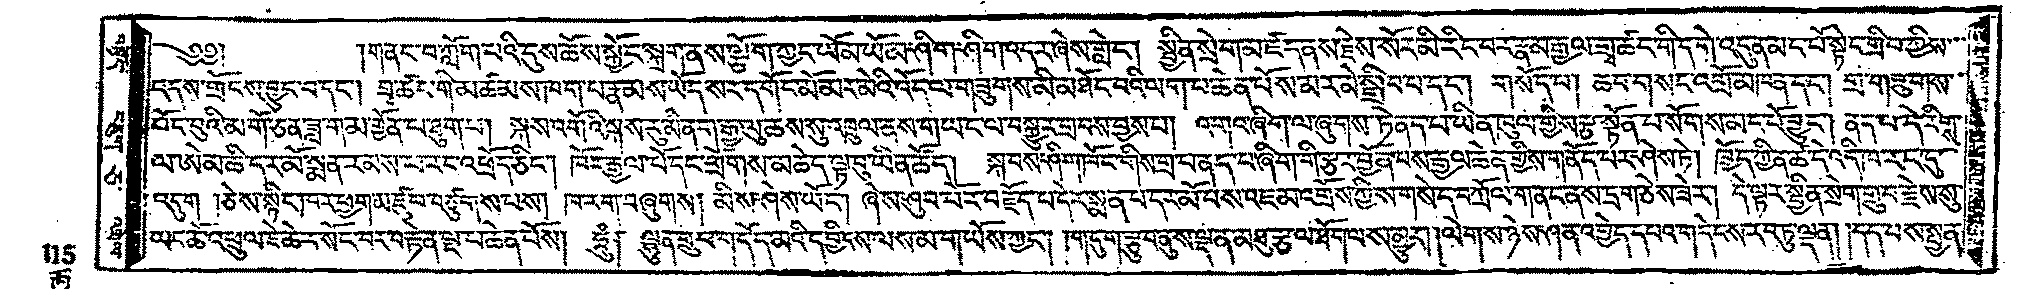༄༅། །གནང་བ་ཀློག་པའི་དུས་ཆོས་སྐྱོང་སྐྲག་ནས་ལྕོག་ཀྱང་ཡོམ་ཡོམ་ཤིག་ཤིག་འདར་ཞེས་གླེང་། སྦྱིན་སྲེག་མཛད་ནས་རྗེས་སོར་མི་རིང་བར་རྣམ་རྒྱལ་གྲྭ་ཚང་གི་དགེ་འདུན་མང་པོ་སྟེང་གྲིབ་ཀྱིས་
འདས་གྲོངས་བྱུང་བ་དང་། གྲྭ་ཚང་གི་མཚམས་ཁག་པ་རྣམས་ཡོད་སར་དགོང་མོ་མར་མེའི་འོད་ལ་གཟུགས་མི་མཐོང་བའི་ལག་པ་ཆེན་པོས་མར་མེ་སྒྲིབ་པ་དང་། གསོད་པ། ཆབ་གསང་འགྲོ་མཁན་དང་། གྲ་གཟུགས་
བོང་བུའི་མགོ་ཅན་ཟླ་གམ་གྱོན་པ་ཐུག་པ། སྐས་འགོའི་སྐས་རུ་མི་ནག་རྒྱ་ལུ་ཆས་སུ་འཁྲུལ་ནས་གཡང་ལ་བསྒྱུར་གྲབས་བྱས་པ། འགའ་ཞིག་ལ་ཞུགས་ཏེ་ནད་པ་ཡིན་ཁུལ་གྱིས་རྩ་སྟོན་པ་སོགས་མང་པོ་བྱུང་། ནད་པ་དེ་རིགས་
ལ་ཨེམ་ཆི་དར་མོ་སྨན་རམས་པ་རང་འཕྲོད་ཅིང་། ཁོང་རྒྱལ་པོ་དང་གྲོགས་མཆེད་ལྟ་བུ་ཡིན་ཚོད། སྐབས་ཤིག་ཁོང་གིས་གྲ་པ་ནད་པ་ཞིག་གི་རྩར་བྱོན་པས་རྒྱལ་ཆེན་གྱིས་གནོད་པར་ཤེས་ཏེ། ཁྱོད་ཀྱི་ན་ཚ་དེ་འདི་ཁ་རང་དུ་
འདུག །ཅེས་སྙིང་ཁར་ཕྱག་མཛུབ་བཙུགས་པས། ཁ་རག་བཞུགས། མིས་ཤེས་ཡོང་། ཞེས་ཤུབ་པོར་བརྗོད་པ་དེར་སྨན་པ་དར་མོ་བས་འཇམ་འགྲོས་ཀྱིས་གསེད་བཀྲོལ་གནང་ནས་དྲག་ཅེས་ཟེར། དེ་ལྟར་སྦྱིན་སྲེག་གྲུབ་རྗེས་སུ་
ཡང་ཆོ་འཕྲུལ་ཇེ་ཆེར་སོང་བར་བརྟེན་ལྔ་པ་ཆེན་པོས། ཧཱུཾ། ལྷུན་གྲུབ་གདོད་མའི་དབྱིངས་ལས་མ་གཡོས་ཀྱང་། །གདུག་རྩུབ་ནུས་ལྡན་མཐུ་རྩལ་ཐོག་ལས་མྱུར། །ལེགས་ཉེས་ཤན་འབྱེད་དཔའ་གདེངས་རབ་ཏུ་ལྡན། །དད་པས་སྤྱན་
ག་